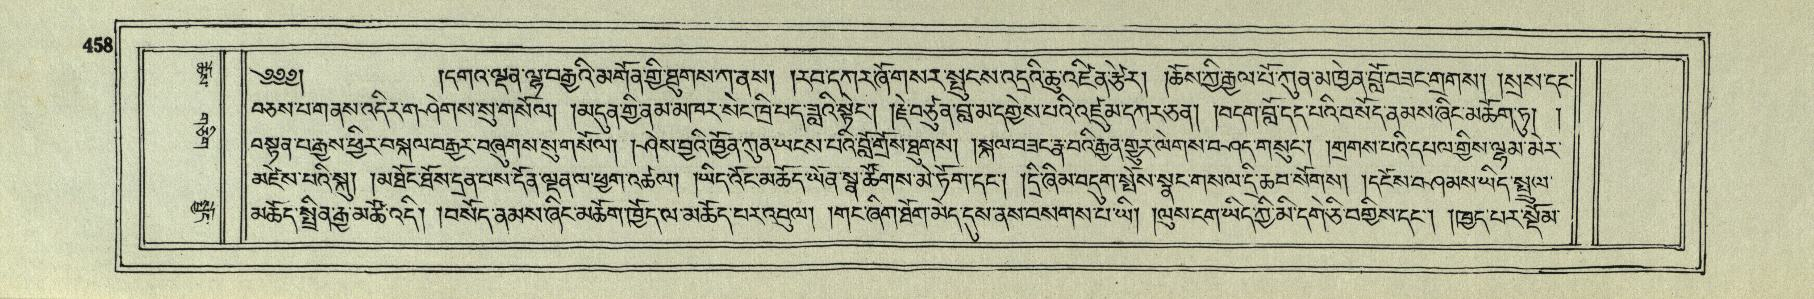༄༅༅། །དགའ་ལྡན་ལྷ་བརྒྱའི་མགོན་གྱི་ཐུགས་ཀ་ནས། །རབ་དཀར་ཞོ་གསར་སྤུངས་འདྲའི་ཆུ་འཛིན་རྩེར། །ཆོས་ཀྱི་རྒྱལ་པོ་ཀུན་མཁྱེན་བློ་བཟང་གྲགས། །སྲས་དང་
བཅས་པ་གནས་འདིར་གཤེགས་སུ་གསོལ། །མདུན་གྱི་ནམ་མཁར་སེང་ཁྲི་པད་ཟླའི་སྟེང་། །རྗེ་བཙུན་བླ་མ་དགྱེས་པའི་འཛུམ་དཀར་ཅན། །བདག་བློ་དད་པའི་བསོད་ནམས་ཞིང་མཆོག་ཏུ། །
བསྟན་པ་རྒྱས་ཕྱིར་བསྐལ་བརྒྱར་བཞུགས་སུ་གསོལ། །ཤེས་བྱའི་ཁྱོན་ཀུན་ཡངས་པའི་བློ་གྲོས་ཐུགས། །སྐལ་བཟང་རྣ་བའི་རྒྱན་གྱུར་ལེགས་བཤད་གསུང་། །གྲགས་པའི་དཔལ་གྱིས་ལྷམ་མེར་
མཛེས་པའི་སྐུ། །མཐོང་ཐོས་དྲན་པས་དོན་ལྡན་ལ་ཕྱག་འཚལ། །ཡིད་འོང་མཆོད་ཡོན་སྣ་ཚོགས་མེ་ཏོག་དང་། །དྲི་ཞིམ་བདུག་སྤོས་སྣང་གསལ་དྲི་ཆབ་སོགས། །དངོས་བཤམས་ཡིད་སྤྲུལ་
མཆོད་སྤྲིན་རྒྱ་མཚོ་འདི། །བསོད་ནམས་ཞིང་མཆོག་ཁྱོད་ལ་མཆོད་པར་འབུལ། །གང་ཞིག་ཐོག་མེད་དུས་ནས་བསགས་པ་ཡི། །ལུས་ངག་ཡིད་ཀྱི་མི་དགེ་ཅི་བགྱིས་དང་། །ཁྱད་པར་སྡོམ་